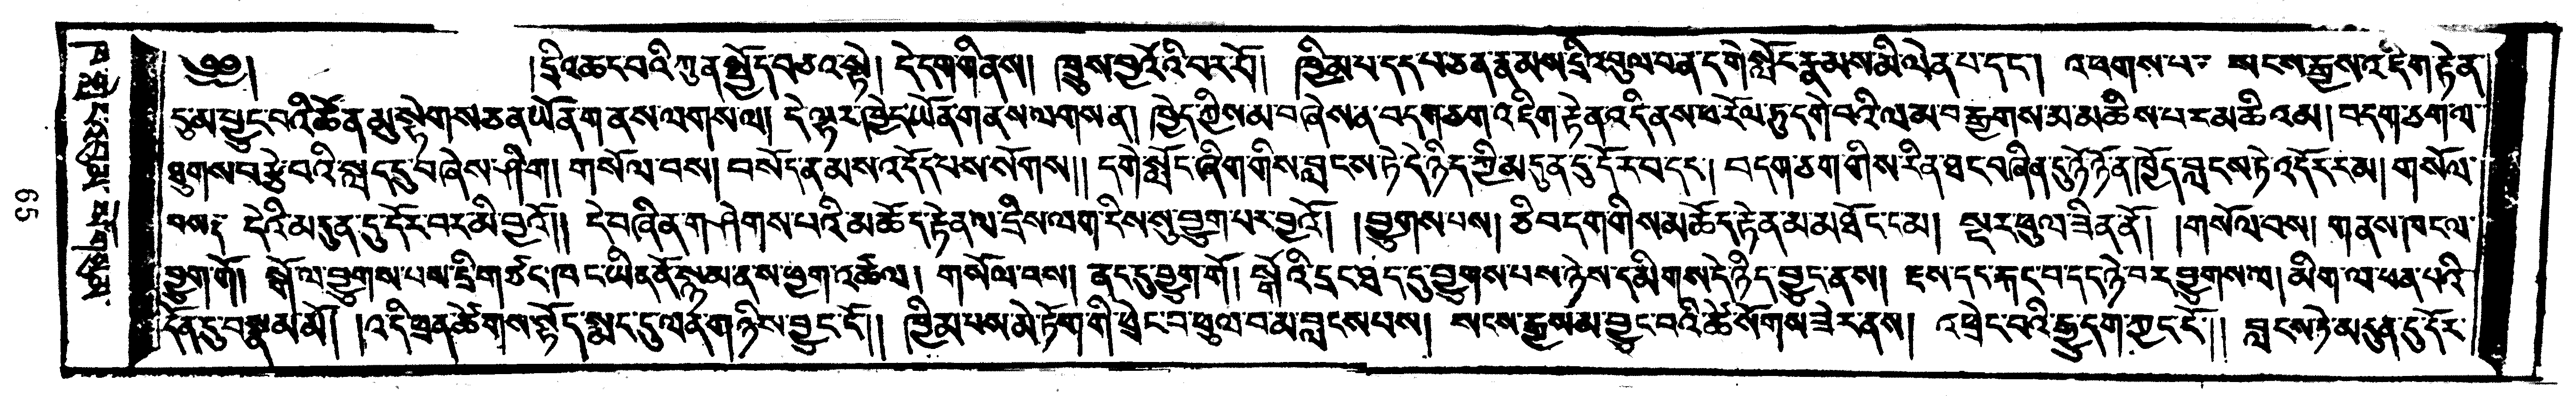༄༅། །དྲི་འཆང་བའི་ཀུན་སྤྱོད་བཅའ་སྟེ། དེ་དག་གི་ནས། ཁྲུས་བྱའོའི་བར་རོ། །ཁྱིམ་པ་དད་པ་ཅན་རྣམས་དྲི་འབུལ་བ་ན་དགེ་སློང་རྣམས་མི་ལེན་པ་དང་། འཕགས་པ༑ སངས་རྒྱས་འཇིག་རྟེན་
དུ་མ་བྱུང་བའི་ཚོན་མུ་སྟེགས་ཅན་ཡོན་གནས་ལགས་ལ། དེ་ལྟར་ཁྱེད་ཡོན་གནས་ལགས་ན། ཁྱེད་ཀྱིས་མ་བཞེས་ནས་བདག་ཅག་འཇིག་རྟེན་འདི་ནས་ཕ་རོལ་ཏུ་དགེ་བའི་ལམ་བརྒྱགས་མ་མཆིས་པར་མཆིའམ། བདག་ཅག་ལ་
ཐུགས་བརྩེ་བའི་སླད་དུ་བཞེས་ཤིག། གསོལ་བས། བསོད་ནམས་འདོད་པས་སོགས།། དགེ་སློང་ཞིག་གིས་བླངས་ཏེ་དེ་ཉིད་ཀྱི་མདུན་དུ་དོར་བ་དང་། བདག་ཅག་གིས་རིན་ཐང་བཞིན་དུ་ཉོ་ཉོན་ཁྱོད་བླངས་ཏེ་འདོར་རམ། གསོལ་
བས༑ དེའི་མདུན་དུ་དོར་བར་མི་བྱའོ། །དེ་བཞིན་གཤེགས་པའི་མཆོད་རྟེན་ལ་དྲིས་ལག་རིས་སུ་བྱུག་པར་བྱའོ། །བྱུགས་པས། ཅི་བདག་གིས་མཆོད་རྟེན་མ་མཐོང་ངམ། སྔར་ཕུལ་ཟིན་ནོ། །གསོལ་བས། གནས་ཁང་ལ་
བྱུག་གོ། སྒོ་ལ་བྱུགས་པས་དྲི་གཙང་ཁང་ཡིན་ནོ་སྙམ་ནས་ཕྱག་འཚལ། གསོལ་བས། ནང་དུ་བྱུག་གོ། སྒོའི་དྲང་ཐད་དུ་བྱུགས་པས་ཉེས་དམིགས་དེ་ཉིད་བྱུང་ནས། ཇས་དང་རྐང་བ་དང་ཉེ་བར་བྱུགས་ལ། མིག་ལ་ཕན་པའི་
དོན་དུ་བསྣམ་མོ། །འདི་ཕྲན་ཚེགས་སྟོད་སྨད་དུ་ལན་གཉིས་བྱུང་ངོ། །ཁྱིམ་པས་མེ་ཏོག་གི་ཕྲེང་བ་ཕུལ་བ་མ་བླངས་པས། སངས་རྒྱས་མ་བྱུང་བའི་ཚེ་སོགས་ཟེར་ནས། འཕྲེང་བའི་རྒྱུ་དག་ཀྱང་ངོ། བླངས་ཏེ་མདུན་དུ་དོར་